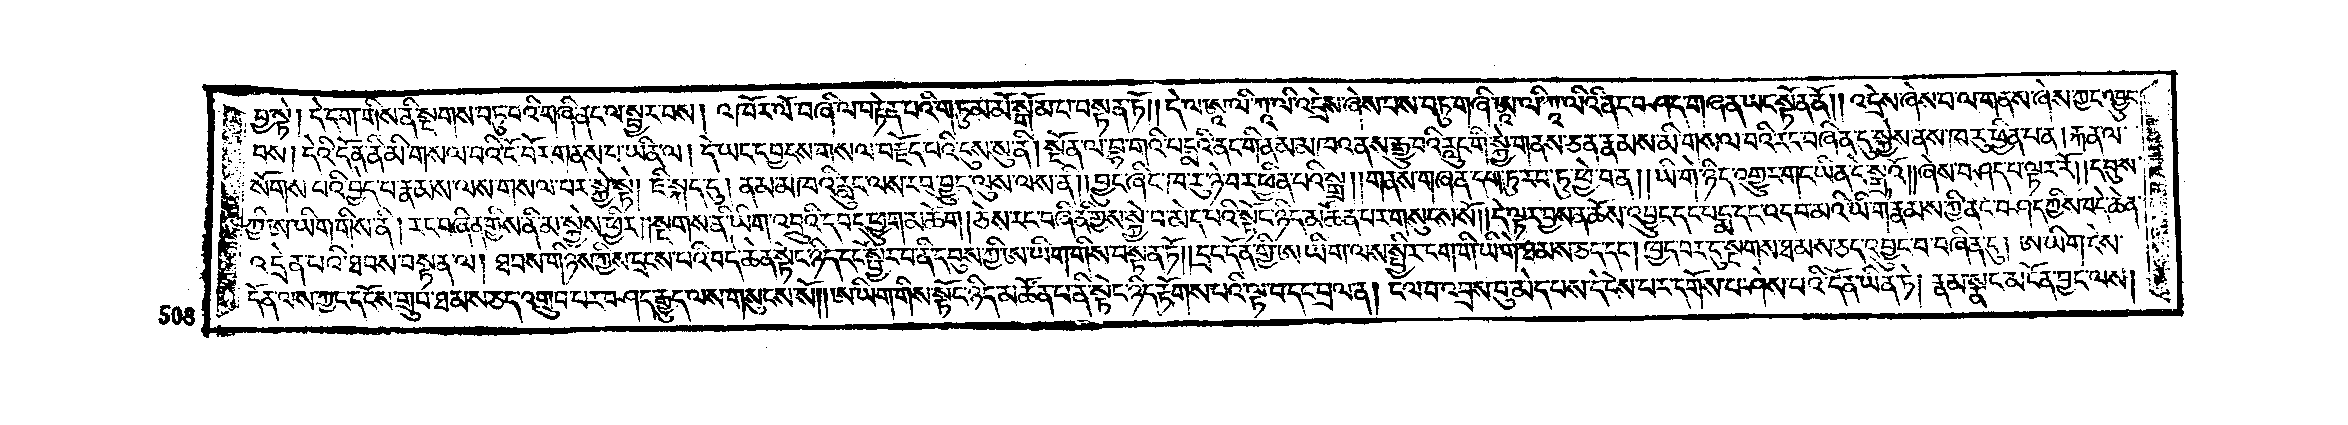བྱ་སྟེ། དེ་དག་གིས་ནི་སྔགས་བཏུ་བའི་གཞི་ནང་ལ་སྦྱར་བས། འཁོར་ལོ་བཞི་ལ་བརྟེན་པའི་གཏུམ་མོ་སྒོམ་པ་བསྟན་ཏོ། །དེ་ལ་ཨཱ་ལི་ཀཱ་ལི་འདྲེས་ཞེས་པས་བཏུ་གཞི་ཨཱ་ལི་ཀཱ་ལིའི་ནང་བཤད་གཞན་ཡང་སྟོན་ནོ། །འདྲེས་ཞེས་པ་ལ་གནས་ཞེས་ཀྱང་འབྱུང་
བས། དེའི་དོན་ནི་མི་གསལ་བའི་ངོ་བོར་གནས་པ་ཡིན་ལ། དེ་ཡང་དབྱངས་གསལ་བརྗོད་པའི་དུས་སུ་ནི། སྔོན་ལ་བྷ་གའི་པདམའི་ནང་གི་ནམ་མཁའ་ནས་རྒྱུ་བའི་རླུང་གི་སྐྱེ་གནས་ཅན་རྣམས་མི་གསལ་བའི་རང་བཞིན་དུ་སྐྱེས་ནས་ཁ་རུ་ཕྱིན་པ་ན། རྐན་ལ་
སོགས་པའི་བྱེད་པ་རྣམས་ལས་གསལ་བར་སྐྱེ་སྟེ། ཇི་སྐད་དུ། ནམ་མཁའི་རླུང་ལས་རབ་བྱུང་ལུས་ལས་ནི། །བྱུང་ཞིང་ཁ་རུ་ཉེ་བར་ཕྱིན་པའི་སྒྲ། །གནས་གཞན་དག་ཏུ་རབ་ཏུ་ཕྱེ་བ་ན། །ཡི་གེ་ཉིད་འགྱུར་གང་ཡིན་དེ་སྒྲའོ། །ཞེས་བཤད་པ་ལྟར་རོ། །དབུས་
ཀྱི་ཨ་ཡིག་གིས་ནི། རང་བཞིན་གྱིས་ནི་མ་སྐྱེས་ཕྱིར། །སྔགས་ནི་ཡིག་འབྲུའི་དབང་ཕྱུག་མཆོག །ཅེས་རང་བཞིན་གྱིས་སྐྱེ་བ་མེད་པའི་སྟོང་ཉིད་མཚོན་པར་གསུངས་སོ། །དེ་ལྟར་བྱས་ན་ཆོས་འབྱུང་དང་པདམ་དང་འདབ་མའི་ཡི་གེ་རྣམས་ཀྱི་ནང་བཤད་ཀྱིས་བདེ་ཆེན་
འདྲེན་པའི་ཐབས་བསྟན་ལ། ཐབས་གཉིས་ཀྱིས་དྲངས་པའི་བདེ་ཆེན་སྟོང་ཉིད་དང་སྦྱོར་བ་ནི་དབུས་ཀྱི་ཨ་ཡིག་གིས་བསྟན་ཏོ། །དྲང་དོན་གྱི་ཨ་ཡིག་ལས་སྤྱིར་ངག་གི་ཡི་གེ་ཐམས་ཅད་དང་། ཁྱད་པར་དུ་སྔགས་ཐམས་ཅད་འབྱུང་བ་བཞིན་དུ། ཨ་ཡིག་ངེས་
དོན་ལས་ཀྱང་དངོས་གྲུབ་ཐམས་ཅད་འགྲུབ་པར་བཤད་རྒྱུད་ལས་གསུངས་སོ། །ཨ་ཡིག་གིས་སྟོང་ཉིད་མཚོན་པ་ནི་སྟོང་ཉིད་རྟོགས་པའི་ལྟ་བ་དང་བྲལ་ན། ངལ་བ་འབྲས་བུ་མེད་པས་དེ་ངེས་པར་དགོས་པ་ཤེས་པའི་དོན་ཡིན་ཏེ། རྣམ་སྣང་མངོན་བྱང་ལས།